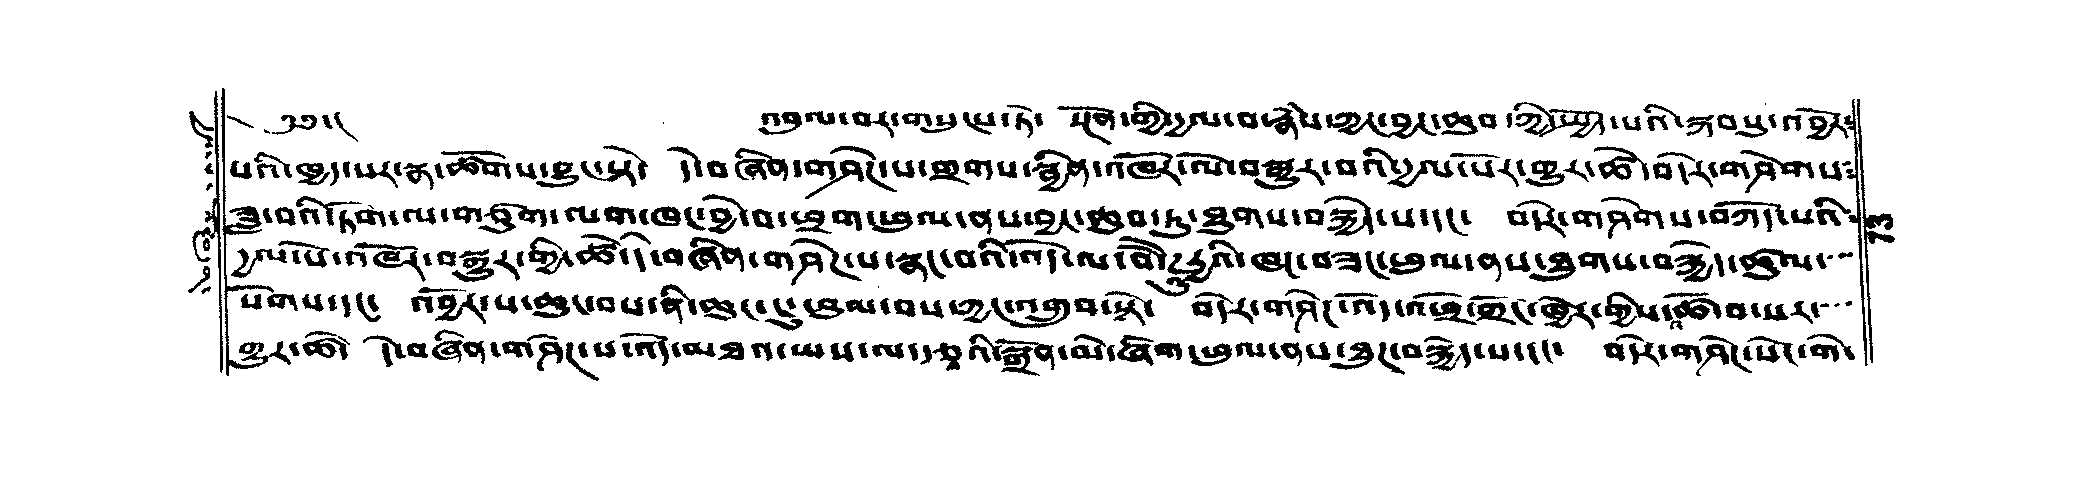འབུལ་བར་གསུངས་ཏེ། སྔོན་གྱི་རྒྱལ་བ་རྣམས་ཀྱང་བྱང་ཆུབ་ཀྱི་སྤྱོད་པའི་སྐབས་སུ་འབྱོར་
པའི་ཁྱད་པར་སྣ་ཚོགས་བྱུང་སྟེ། དེ་བཞིན་གཤེགས་པ་གྲགས་སྦྱིན་འཁོར་ལོ་བསྒྱུར་བའི་རྒྱལ་པོར་གྱུར་ཚེ་བདེ་གཤེགས་
ཟླ་བའི་ཏོག་ལ་གཙུག་ལག་ཁང་བྱེ་བ་ཕྲག་ཕུལ་ནས་བྱང་ཆུབ་ཏུ་ཐུགས་བསྐྱེད་པ་དང་། བདེ་གཤེགས་བཀོད་པའི་
རྒྱལ་པོ་འཁོར་བསྒྱུར་གྱི་ཚེ་དེ་བཞིན་གཤེགས་པ་སྣང་བའི་འོད་ལ་བཻ་ཌཱུརྻའི་ཁང་བཟང་ཕུལ་ནས་ཐུགས་བསྐྱེད་ཚུལ་
སོགས་དང་། འབྱོར་པ་ཆུང་བས་ནི་ཆུང་ངུ་ཕུལ་བས་ཀྱང་འགྲུབ་སྟེ། བདེ་གཤེགས་འོད་འཕྲོ་གྲོང་ཁྱེར་གྱིས་འཚོ་བ་སར་
གྱུར་ཚེ། དེ་བཞིན་གཤེགས་པ་འོད་མཐའ་ཡས་ལ་རྩའི་སྒྲོན་མེ་ཞིག་ཕུལ་ནས་ཐུགས་བསྐྱེད་པ་དང་། བདེ་གཤེགས་སེང་གེ་